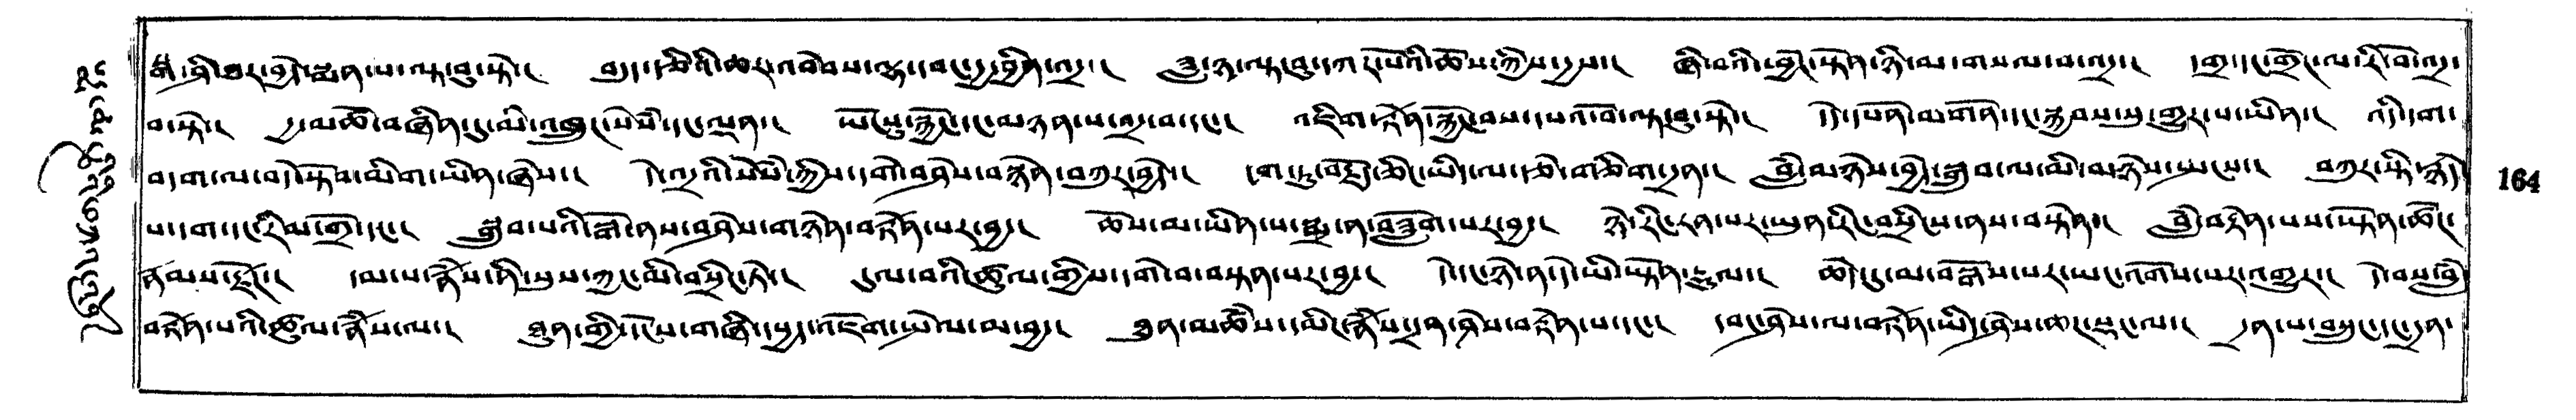སྒ་ཤི་ཐར་བྱེད་སྨན་པ་ལྟ་བུ་སྟེ། །བདུད་རྩིའི་ཆར་འབེབས་ལྷ་དབང་བརྒྱ་བྱིན་འདྲ། །ཟླ་ཉ་ལྟ་བུ་དཀར་པོའི་ཆོས་ཀྱིས་རྒྱས། །ཞི་བའི་ཕྱོགས་སྟོན་ཉི་མ་གསལ་བ་འདྲ། །དགྲ་དང་གྲོགས་ལ་རི་བོ་འདྲ་
བ་སྟེ། །རྒྱ་མཚོ་བཞིན་དུ་མི་འཁྲུགས་སེམས་དང་ལྡན། །ཡོངས་སུ་སྐྱོང་པ་མཉན་པ་འདྲ་བ་དང་། །འཇིག་རྟེན་སྐྱོང་བས་དཔའ་བོ་ལྟ་བུ་སྟེ། །དེད་དཔོན་མགོན་དང་སྐྱབས་སུ་གྱུར་པ་ཡིན། །འདི་དག་
བདག་ལ་བདེ་སྟོབ་མིག་ཡིན་ཞེས། །དེ་འདྲའི་སེམས་ཀྱིས་དགེ་བཤེས་བསྙེན་བཀུར་བྱེད། །ངག་ཏུ་བརྗོད་ཅིང་ཡིད་ལ་རྩེ་གཅིག་དྲན། །བླ་མ་མཉེས་བྱེད་སྒྲུབ་ལ་མི་མཉེས་སྤངས། །བཀུར་སྟི་རྙེད་
པ་དག་དང་རིམ་གྲོ་དང་། །སྒྲུབ་པའི་སྒོ་ནས་བཤེས་གཉེན་བསྟེན་པར་བྱ། །ཆོས་མ་ཡིན་པ་སྨྲ་ན་བཟློག་པར་བྱ། །ཉེ་རིང་རན་པར་ཡུན་རིང་བསྲིངས་ནས་བསྟེན། །བླ་མ་བསྟེན་པས་ཡོན་ཏན་ཚོགས་
རྣམས་རྫོགས། །དམ་པ་རྣམས་ནི་སུས་ཀྱང་མི་བསྲིང་ཏེ། །དུལ་བའི་ཚུལ་གྱིས་དགེ་བ་བསྟན་པར་བྱ། །དེ་དང་ཉེ་ན་དེ་ཡི་ཡོན་ཏན་རྡུལ། །ཆེད་དུ་མ་བསྒོས་པར་ཡང་འགོས་པར་འགྱུར། །དེ་བས་བླ་མ་
བསྟཻན་པའི་ཚུལ་རྣམས་ལ། །ཐུན་གྱི་དངོས་གཞི་དཔྱད་འཇོག་སྤེལ་མ་བྱ། །ཐུན་མཚམས་དམིགས་རྣམ་དྲན་ཤེས་བརྟེན་པ་དང་། །དབང་ཤེས་ལ་བརྟེན་ཡིད་ཤེས་ཆགས་སྡང་ལ། །དྲན་པ་བསྲུང་དང་དྲན་